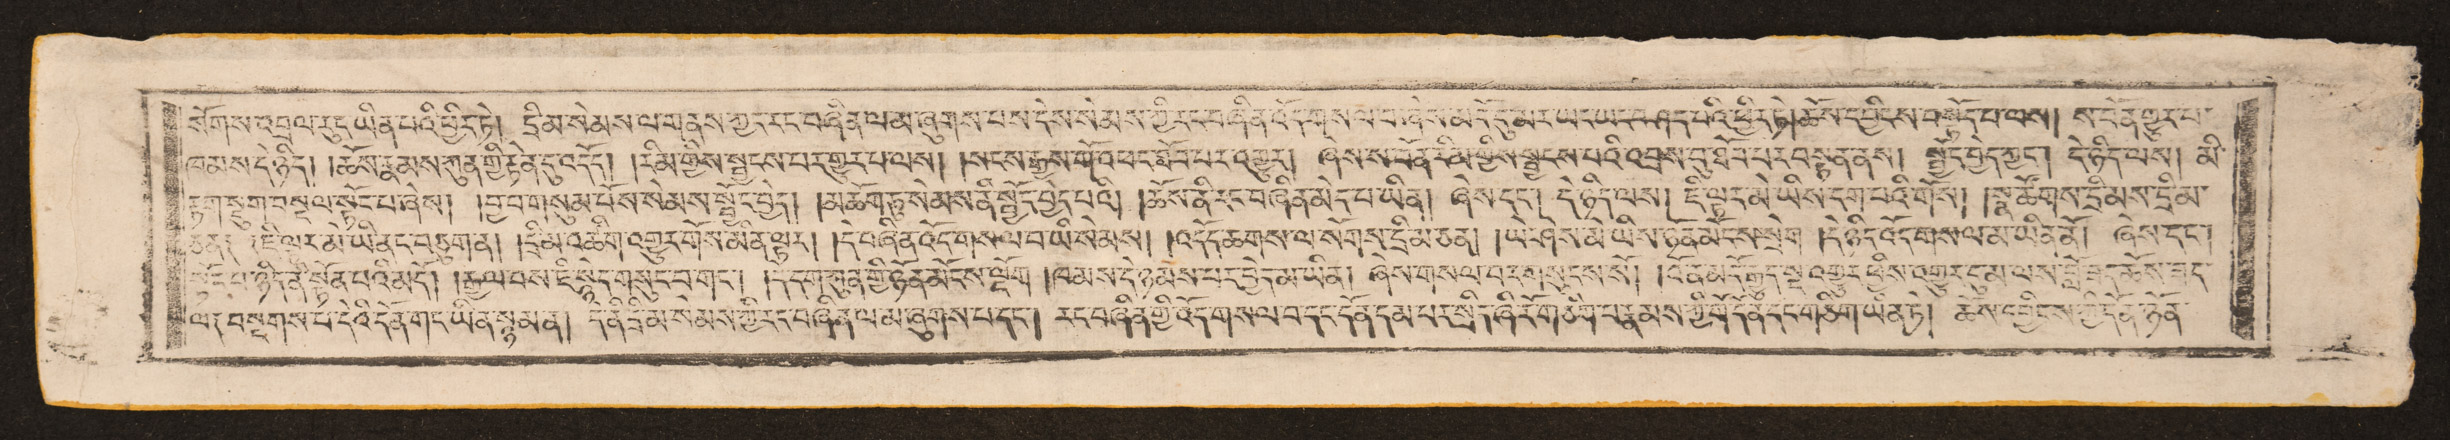སོགས་འབྲལ་རུང་ཡིན་པའི་ཕྱིར་ཏེ། དྲི་མ་སེམས་ལ་གནས་ཀྱང་རང་བཞིན་ལ་མ་ཞུགས་པས་དེས་སེམས་ཀྱི་རང་བཞིན་འོད་གསལ་པ་ཞེས་མདོ་དུ་མར་ཡང་ཡང་བཤད་པའི་ཕྱིར་ཏེ། ཆོས་དབྱིངས་བསྟོད་པ་ལས། ས་བོན་གྱུར་བ་
ཁམས་དེ་ཉིད། །ཆོས་རྣམས་ཀུན་གྱི་རྟེན་དུ་འདོད། །རིམ་གྱིས་སྦྱངས་པར་གྱུར་པ་ལས། །སངས་རྒྱས་གོ་འཕང་ཐོབ་པར་འགྱུར། ཞེས་ས་བོན་རིམ་གྱིས་སྦྱངས་པའི་འབྲས་བུ་ཐོབ་པར་བསྟན་ནས། སྦྱོད་བྱེད་ཀྱང་། དེ་ཉིད་ལས། མི་
རྟག་སྡུག་བསྔལ་སྟོང་པ་ཞེས། །བྱ་བ་གསུམ་པོས་སེམས་སྦྱོད་བྱེད། །མཆོག་ཏུ་སེམས་ནི་སྦྱོད་བྱེད་པའི། །ཆོས་ནི་རང་བཞིན་མེད་པ་ཡིན། ཞེས་དང་། དེ་ཉིད་ལས། ཇི་ལྟར་མེ་ཡིས་དག་པའི་གོས། །སྣ་ཆོགས་དྲི་མས་དྲི་མ་
ཅན༑ ༑ཇི་ལྟར་མེ་ཡི་ནང་བཅུག་ན། །དྲི་མ་འཚིག་འགྱུར་གོས་མིན་ལྟར། །དེ་བཞིན་འོད་གསལ་བ་ཡི་སེམས། །འདོད་ཆགས་ལ་སོགས་དྲི་མ་ཅན། །ཡེ་ཤེས་མེ་ཡིས་ཉོན་མོངས་སྲེག །དེ་ཉིད་འོད་གསལ་མ་ཡིན་ནོ། ཞེས་དང་།
སྟོང་པ་ཉིད་ནི་སྟོན་བའི་མདོ། །རྒྱལ་བས་ཇི་སྙེད་གསུང་བ་གང་། །དེ་དག་ཀུན་གྱི་ཉོན་མོངས་ལྡོག །ཁམས་དེ་ཉམས་པར་བྱེད་མ་ཡིན། ཞེས་གསལ་པར་གསུངས་སོ། །འོན་མདོ་རྒྱུད་སྔ་འགྱུར་ཕྱིས་འགྱུར་དུ་མ་ལས་བློ་ཟང་ཆོས་ཟད་
ལ༑ བསྔགས་པ་དེའི་དོན་གང་ཡིན་སྙམ་ན། དེ་ནི་དྲི་མ་སེམས་ཀྱི་རང་བཞིན་ལམ་ཞུགས་པ་དང་། རང་བཞིན་གྱི་འོད་གསལ་བ་དང་དོན་དམ་པར་སྲིད་ཞི་རོ་གཅིག་བ་རྣམས་ཀྱི་གོ་དོན་དང་གཅིག་ཡིན་ཏེ། ཆོས་དབྱིངས་ཀྱི་དོན་ཉོན་